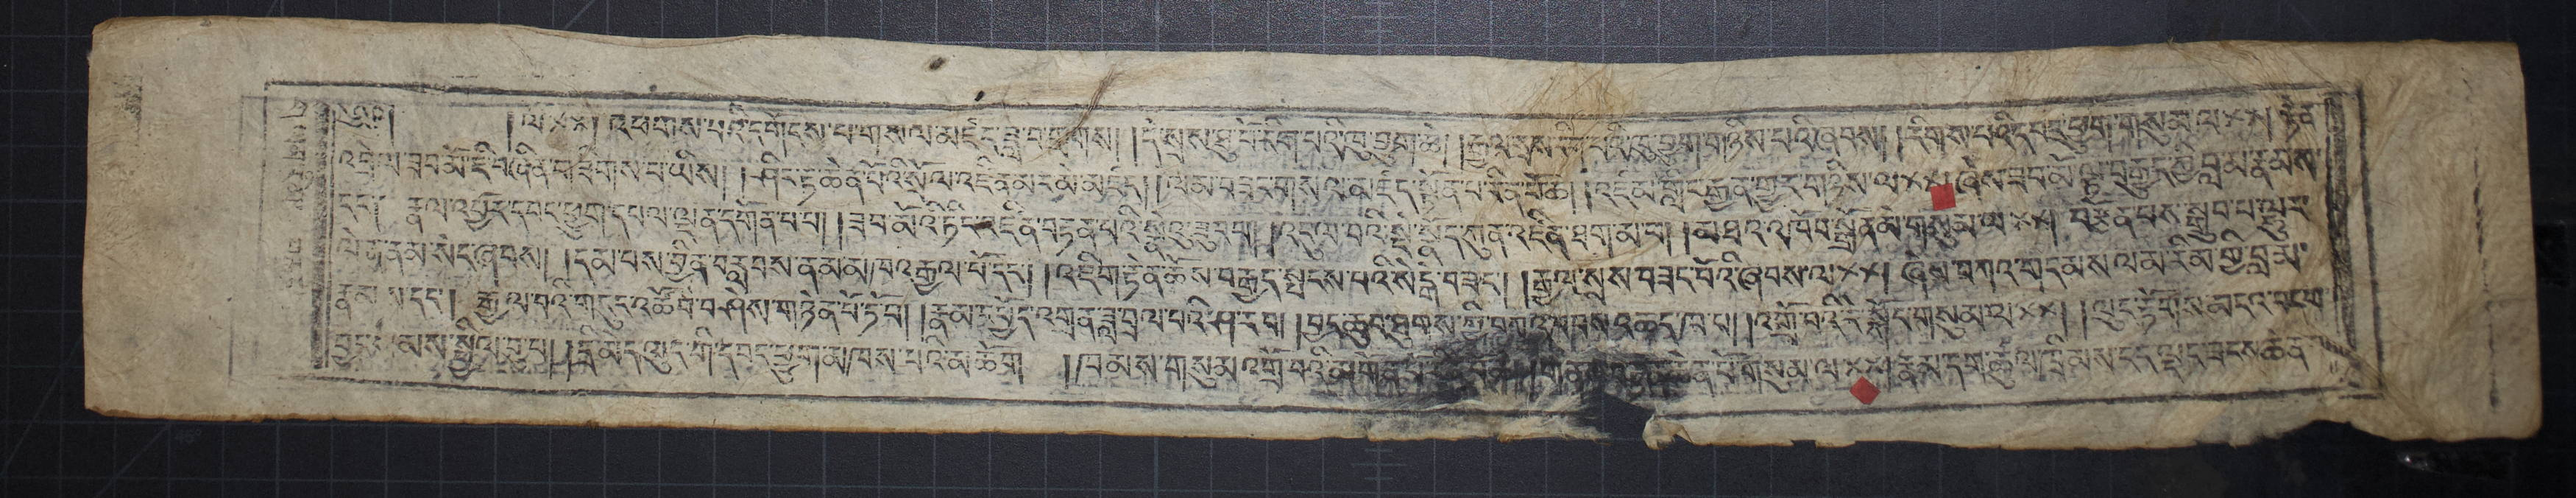༄༅། །ལ་྾྾། འཕགས་པའི་དགོངས་པ་གསལ་མཛད་ཟླ་བ་གྲགས། །དེ་སྲས་ཐུ་བོ་རིག་པའི་ཁུ་བྱུག་ཆེ། །རྒྱལ་སྲས་རིག་པའི་ཁུ་བྱུག་གཉིས་པའི་ཞབས། །རིགས་པའི་དབང་ཕྱུག་གསུམ་ལ་྾྾། རྟེན་
འབྲེལ་ཟབ་མོ་ཇི་བཞིན་གཟིགས་པ་ཡིས། །ཤིང་རྟ་ཆེན་པོའི་སྲོལ་འཛིན་མར་མེ་མཛད། །ལམ་བཟང་གསལ་མཛད་སྟོན་པ་རིན་པོ་ཆེ། །འཛམ་གླིང་རྒྱན་གྱུར་གཉིས་ལ་྾྾། ཞེས་ཟབ་མོ་ལྟ་བརྒྱུད་ཀྱི་བླ་མ་རྣམས་
དང་། རྣལ་འབྱོར་དབང་ཕྱུག་དཔལ་ལྡན་དགོན་པ་བ། །ཟབ་མོའི་ཏིང་འཛིན་བརྟན་པའི་སྣེའུ་ཟུར་བ། །འདུལ་བའི་སྡེ་སྣོད་ཀུན་འཛིན་ཐག་མ་པ། །མཐའ་འཁོབ་སྒྲོན་མེ་གསུམ་ལ་྾྾། བརྩོན་པས་སྒྲུབ་པ་ལྷུན་
ལེན་ནམ་སེང་ཞབས། །དམ་པས་བྱིན་བརླབས་ནམ་མཁའ་རྒྱལ་པོ་དང་། །འཇིག་རྟེན་ཆོས་བརྒྱད་སྤངས་པའི་སེངྒེ་བཟང་། །རྒྱལ་སྲས་བཟང་པོའི་ཞབས་ལ་྾྾། ཞེས་བཀའ་གདམས་ལམ་རིམ་གྱི་བླ་མ་
རྣམས་དང་། རྒྱལ་བའི་གདུང་འཚོབ་བཤེས་གཉེན་པོ་ཏོ་བ། །རྣམ་དཔྱོད་འགྲན་ཟླ་བྲལ་བའི་ཤ་ར་བ། །བྱང་ཆུབ་ཐུགས་ཀྱི་བཀའ་བབས་འཆད་ཁ་པ། །འགྲོ་བའི་རེ་སྐོང་གསུམ་ལ་྾྾། །ལུང་རྟོགས་མངའ་བདག་
བྱང་སེམས་སྤྱིལ་བུ་བ། །དྲི་མེད་ལུང་གི་དབང་ཕྱུག་མཁས་པའི་མཆོག །ཁམས་གསུམ་འགྲོ་བའི་མགོན་པོ་རིན་པོ་ཆེ། །གནས་བརྟན་ཆེན་པོ་གསུམ་ལ་྾྾། རྣམ་དག་ཚུལ་ཁྲིམས་དད་ལྡང་?་ཟངས་ཆེན་པ།།